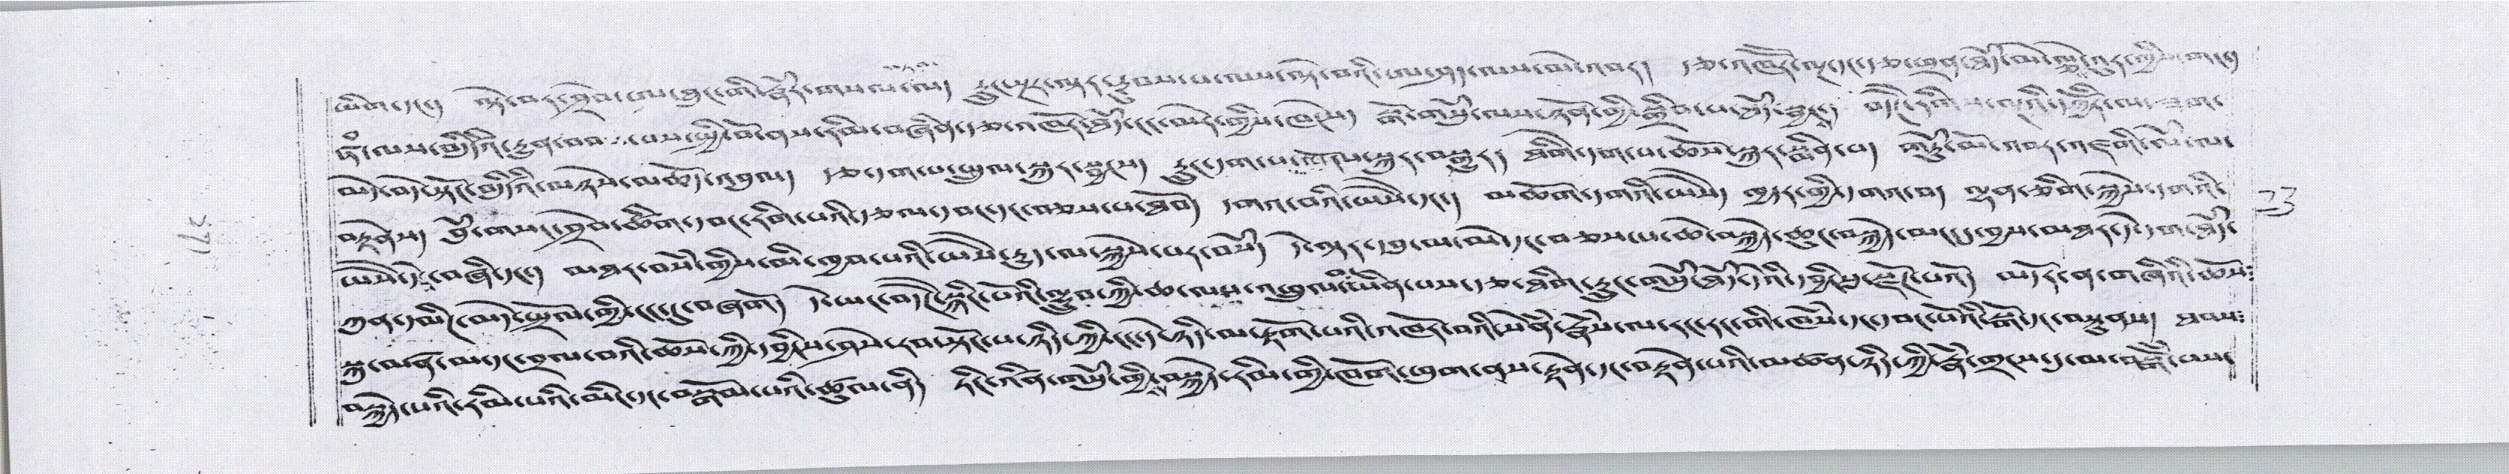ཡིག་དང། ལྟེ་བར་ཤེས་རབ་ཨ་ཐུང་གི་རྣམ་པར་གསལ་བཏབ་ལ། རླུང་སྔར་ལྟར་རྔུབས་པ་ལས་ལྟེ་བའི་ཨ་ཤད་ལས་མེ་འབར། རྩ་འཁོར་ལོ་ལྔ་དང་རྩ་ཕྲན་ཐམས་ཅད་མེ་ལྕེ་འུར་གྱིས་གང། 
ཧཾ་ལས་བདུད་རྩིའི་རྒྱུན་བབས་པས་སྤྱི་བོ་ནས་རིམ་བཞིན་རྩ་འཁོར་ཐམས་ཅད་ངང་མེར་གྱིས་ཁེངས། སྒོ་གསུམ་ལས་ཉོན་གྱི་སྒྲིབ་པ་ཐམས་ཅད་སྦྱངས། བདེ་གཤེགས་རིགས་ལྔའི་དཀྱིལ་འཁོར་ལ་ཟག་
མེད་བདེ་སྟོང་བདུད་རྩིའི་མཉེས་མཆོད་འབུལ། རྩ་དག་པ་སྤྲུལ་སྐུར་སྦྱངས། རླུང་དག་པ་ལོངས་སྐུར་བསྒྱུར། ཐིག་ལེ་དག་པ་ཆོས་སྐུར་སྨིན་པ། གཏུམ་མོ་འབར་འཛག་གི་ལམ་ལ་
བརྟེན་ནས། བུམ་གསང་ཤེས་རབ་ཚིག་དབང་རིག་པའི་རྩལ་དབང་དང་བཅས་པ་ཐོབ། དགའ་བའི་ཡེ་ཤེས་དང། མཆོག་དགའི་ཡེ་ཤེས། ཁྱད་པར་གྱི་དགའ་བ། ལྷན་གཅིག་སྐྱེས་དགའི་
ཡེ་ཤེས་དེར་བཞི་དང། མཐར་བསམ་གྱིས་མི་ཁྱབ་པའི་ཡེ་ཤེས་རྒྱུད་ལ་སྐྱེས་པར་བསམ། དེ་ལྟར་དབུ་མ་མེ་དང་བཅས་པ་ཆེ་བསྐྱེད་ཆུང་བསྐྱེད་མང་དུ་བྱས་མཐར་དེ་དག་ཐམས་ཅད་
ཀུན་དམིགས་མེད་སྤྲོས་བྲལ་གྱི་ངང་དུ་བཞག་གོ། དེ་ཡང་བདེ་གཤེགས་སྙིང་པོའི་ལྷབ་ལྷུབ་ཀྱི་ཆ་ལས་འཕྲུལ་བ་ཡིན་པས་རྩ་ཐིག་རླུང་གསུམ་ཐམས་ཅད་དེའི་དབྱིངས་སུ་རྫོགས་པའོ། མདོར་ན་གཞིའི་ཆོས་
སྐུ་མཚན་མ་དང་བྲལ་བའི་ཆོས་ཀྱི་དབྱིངས་ཤེས་རབ་སྟོང་པ་ཉིད་ཀྱི་ངང་དེ་ཉིད་མ་རྟོགས་པའི་འཁོར་བའི་སེམས་ཅན་རྣམས་ལ་རང་རང་གི་ཁམས་དང་དབང་པོའི་སྒོ་དང་བསྟུན་ནས། ཐབས་
བསྐྱེད་པའི་རིམ་པའི་མིང་དང་བསྒོམ་པའི་ཚུལ་ནི། ཏིང་འཛིན་གསུམ་གྱིས་བསྐྱེད་རིམ་གྱི་ཁོག་ཕུག་ནས་རྟེན་དང་བརྟེན་པའི་མཚན་ཉིད་ཀྱི་རྣམ་གྲངས་དུ་མ་བསྒོམ་པས།